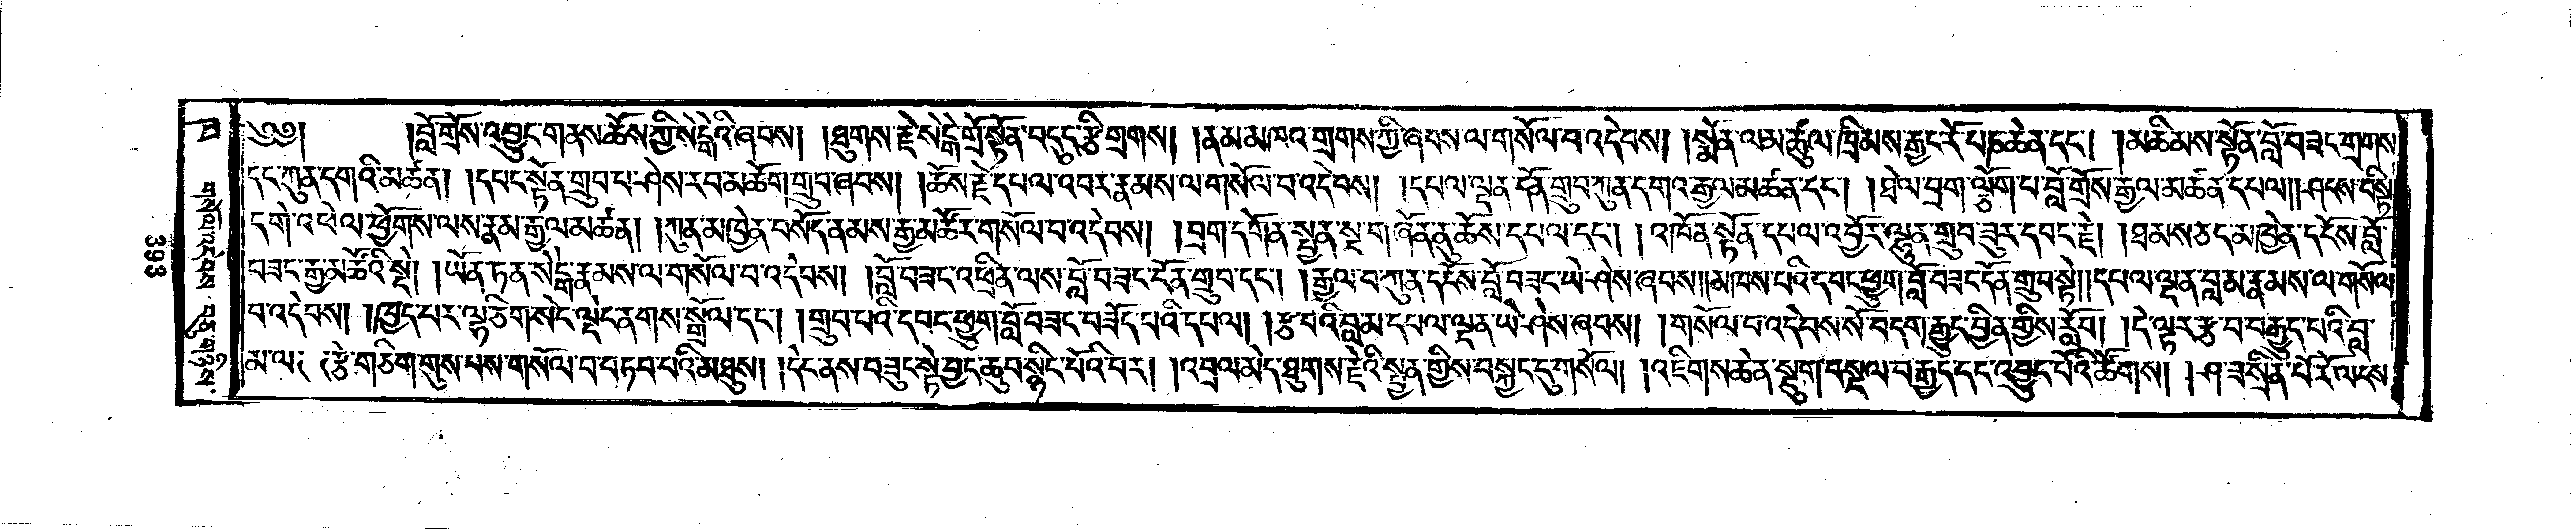༄༅། །བློ་གྲོས་འབྱུང་གནས་ཆོས་ཀྱི་སེངྒེའི་ཞབས། །ཐུགས་རྗེ་སེངྒེ་གྲོ་སྟོན་བདུད་རྩི་གྲགས། །ནམ་མཁའ་གྲགས་ཀྱི་ཞབས་ལ་གསོལ་བ་འདེབས། །སྨོན་ལམ་ཚུལ་ཁྲིམས་རྒྱང་རོ་པཎ་ཆེན་དང་། །མཆིམས་སྟོན་བློ་བཟང་གྲགས་
དང་ཀུན་དགའི་མཚན། །དཔང་སྟོན་གྲུབ་པ་ཤེས་རབ་མཆོག་གྲུབ་ཞབས། །ཆོས་རྗེ་དཔལ་འབར་རྣམས་ལ་གསོལ་བ་འདེབས། །དཔལ་ལྡན་དོན་གྲུབ་ཀུན་དགའ་རྒྱལ་མཚན་དང་། །ཐེལ་བྲག་ལྕོག་པ་བློ་གྲོས་རྒྱལ་མཚན་དཔལ། །ཤངས་བསྟི་
དགེ་འཕེལ་ཕྱོགས་ལས་རྣམ་རྒྱལ་མཚན། །ཀུན་མཁྱེན་བསོད་ནམས་རྒྱ་མཚོར་གསོལ་བ་འདེབས། །བྲག་དགོན་སྤྱན་སྔ་གཞོན་ནུ་ཆོས་དཔལ་དང་། །འཁོན་སྟོན་དཔལ་འབྱོར་ལྷུན་གྲུབ་ཟུར་དབང་རྗེ། །ཐམས་ཅད་མཁྱེན་དངོས་བློ་
བཟང་རྒྱ་མཚོའི་སྡེ། །ཡོན་ཏན་སེངྒེ་རྣམས་ལ་གསོལ་བ་འདེབས། །བློ་བཟང་འཕྲིན་ལས་བློ་བཟང་དོན་གྲུབ་དང་། །རྒྱལ་བ་ཀུན་དངོས་བློ་བཟང་ཡེ་ཤེས་ཞབས། །མཁས་པའི་དབང་ཕྱུག་བློ་བཟང་དོན་གྲུབ་སྟེ། །དཔལ་ལྡན་བླ་མ་རྣམས་ལ་གསོལ་
བ་འདེབས། །ཁྱད་པར་ལྷ་ཅིག་སེང་ལྡེང་ནགས་སྒྲོལ་དང་། །གྲུབ་པའི་དབང་ཕྱུག་བློ་བཟང་བཟོད་པའི་དཔལ། །རྩ་བའི་བླ་མ་དཔལ་ལྡན་ཡེ་ཤེས་ཞབས། །གསོལ་བ་འདེབས་སོ་བདག་རྒྱུད་བྱིན་གྱིས་རློབ། །དེ་ལྟར་རྩ་བ་བརྒྱུད་པའི་བླ་
མ་ལ༑ ༑རྩེ་གཅིག་གུས་པས་གསོལ་བ་བཏབ་པའི་མཐུས། །དེང་ནས་བཟུང་སྟེ་བྱང་ཆུབ་སྙིང་པོའི་བར། །འབྲལ་མེད་ཐུགས་རྗེའི་སྤྱན་གྱིས་བསྐྱང་དུ་གསོལ། །འཇིགས་ཆེན་སྡུག་བསྔལ་བརྒྱད་དང་འབྱུང་པོའི་ཚོགས། །ཤ་ཟ་སྲིན་པོ་རོ་ལངས་